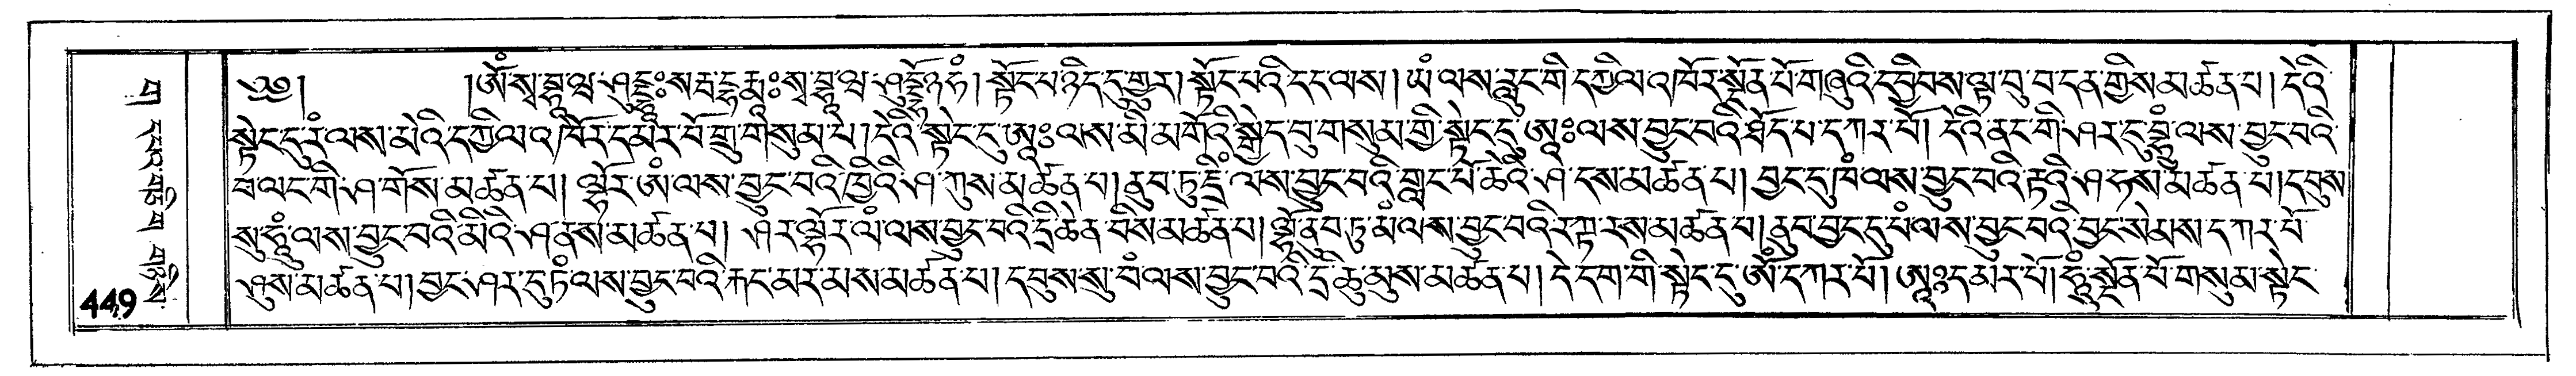༄༅། །ཨོཾ་སྭ་བྷཱ་ཝ་ཤུདྡྷཱཿ སརྦ་དྷ་རྨཱཿ སྭ་བྷཱ་ཝ་ཤུདྡྷོ་ཉ་ཧཾ། སྟོང་པ་ཉིད་དུ་གྱུར། སྟོང་པའི་ངང་ལས། ཡཾ་ལས་རླུང་གི་དཀྱིལ་འཁོར་སྔོན་པོ་གཞུའི་དབྱིབས་ལྟ་བུ་བ་དན་གྱིས་མཚན་པ། དེའི་
སྟེང་དུ་རཾ་ལས་མེའི་དཀྱིལ་འཁོར་དམར་པོ་གྲུ་གསུམ་པ། དེའི་སྟེང་དུ་ཨཱཿ ལས་མི་མགོའི་སྒྱེད་བུ་གསུམ་གྱི་སྟེང་དུ་ཨཱཿ ལས་བྱུང་བའི་ཐོད་པ་དཀར་པོ། དེའི་ནང་གི་ཤར་དུ་བྷྲུཾ་ལས་བྱུང་བའི་
བ་ལང་གི་ཤ་གོས་མཚན་པ། ལྷོར་ཨཾ་ལས་བྱུང་བའི་ཁྱིའི་ཤ་ཀུས་མཚན་པ། ནུབ་ཏུ་ཛྲིཾ་ལས་བྱུང་བའི་གླང་པོ་ཆེའི་ཤ་ངས་མཚན་པ། བྱང་དུ་ཁཾ་ལས་བྱུང་བའི་རྟའི་ཤ་ཧས་མཚན་པ། དབུས་
སུ་ཧཱུཾ་ལས་བྱུང་བའི་མིའི་ཤ་ནས་མཚན་པ། ཤར་ལྷོར་ལཾ་ལས་བྱུང་བའི་དྲི་ཆེན་བིས་མཚན་པ། ལྷོ་ནུབ་ཏུ་མཾ་ལས་བྱུང་བའི་རཀྟ་རས་མཚན་པ། ནུབ་བྱང་དུ་པཾ་ལས་བྱུང་བའི་བྱང་སེམས་དཀར་པོ་
ཤུས་མཚན་པ། བྱང་ཤར་དུ་ཏཾ་ལས་བྱུང་བའི་རྐང་མར་མས་མཚན་པ། དབུས་སུ་བཾ་ལས་བྱུང་བའི་དྲི་ཆུ་མུས་མཚན་པ། དེ་དག་གི་སྟེང་དུ་ཨོཾ་དཀར་པོ། ཨཱཿ དམར་པོ། ཧཱུཾ་སྔོན་པོ་གསུམ་སྟེང་